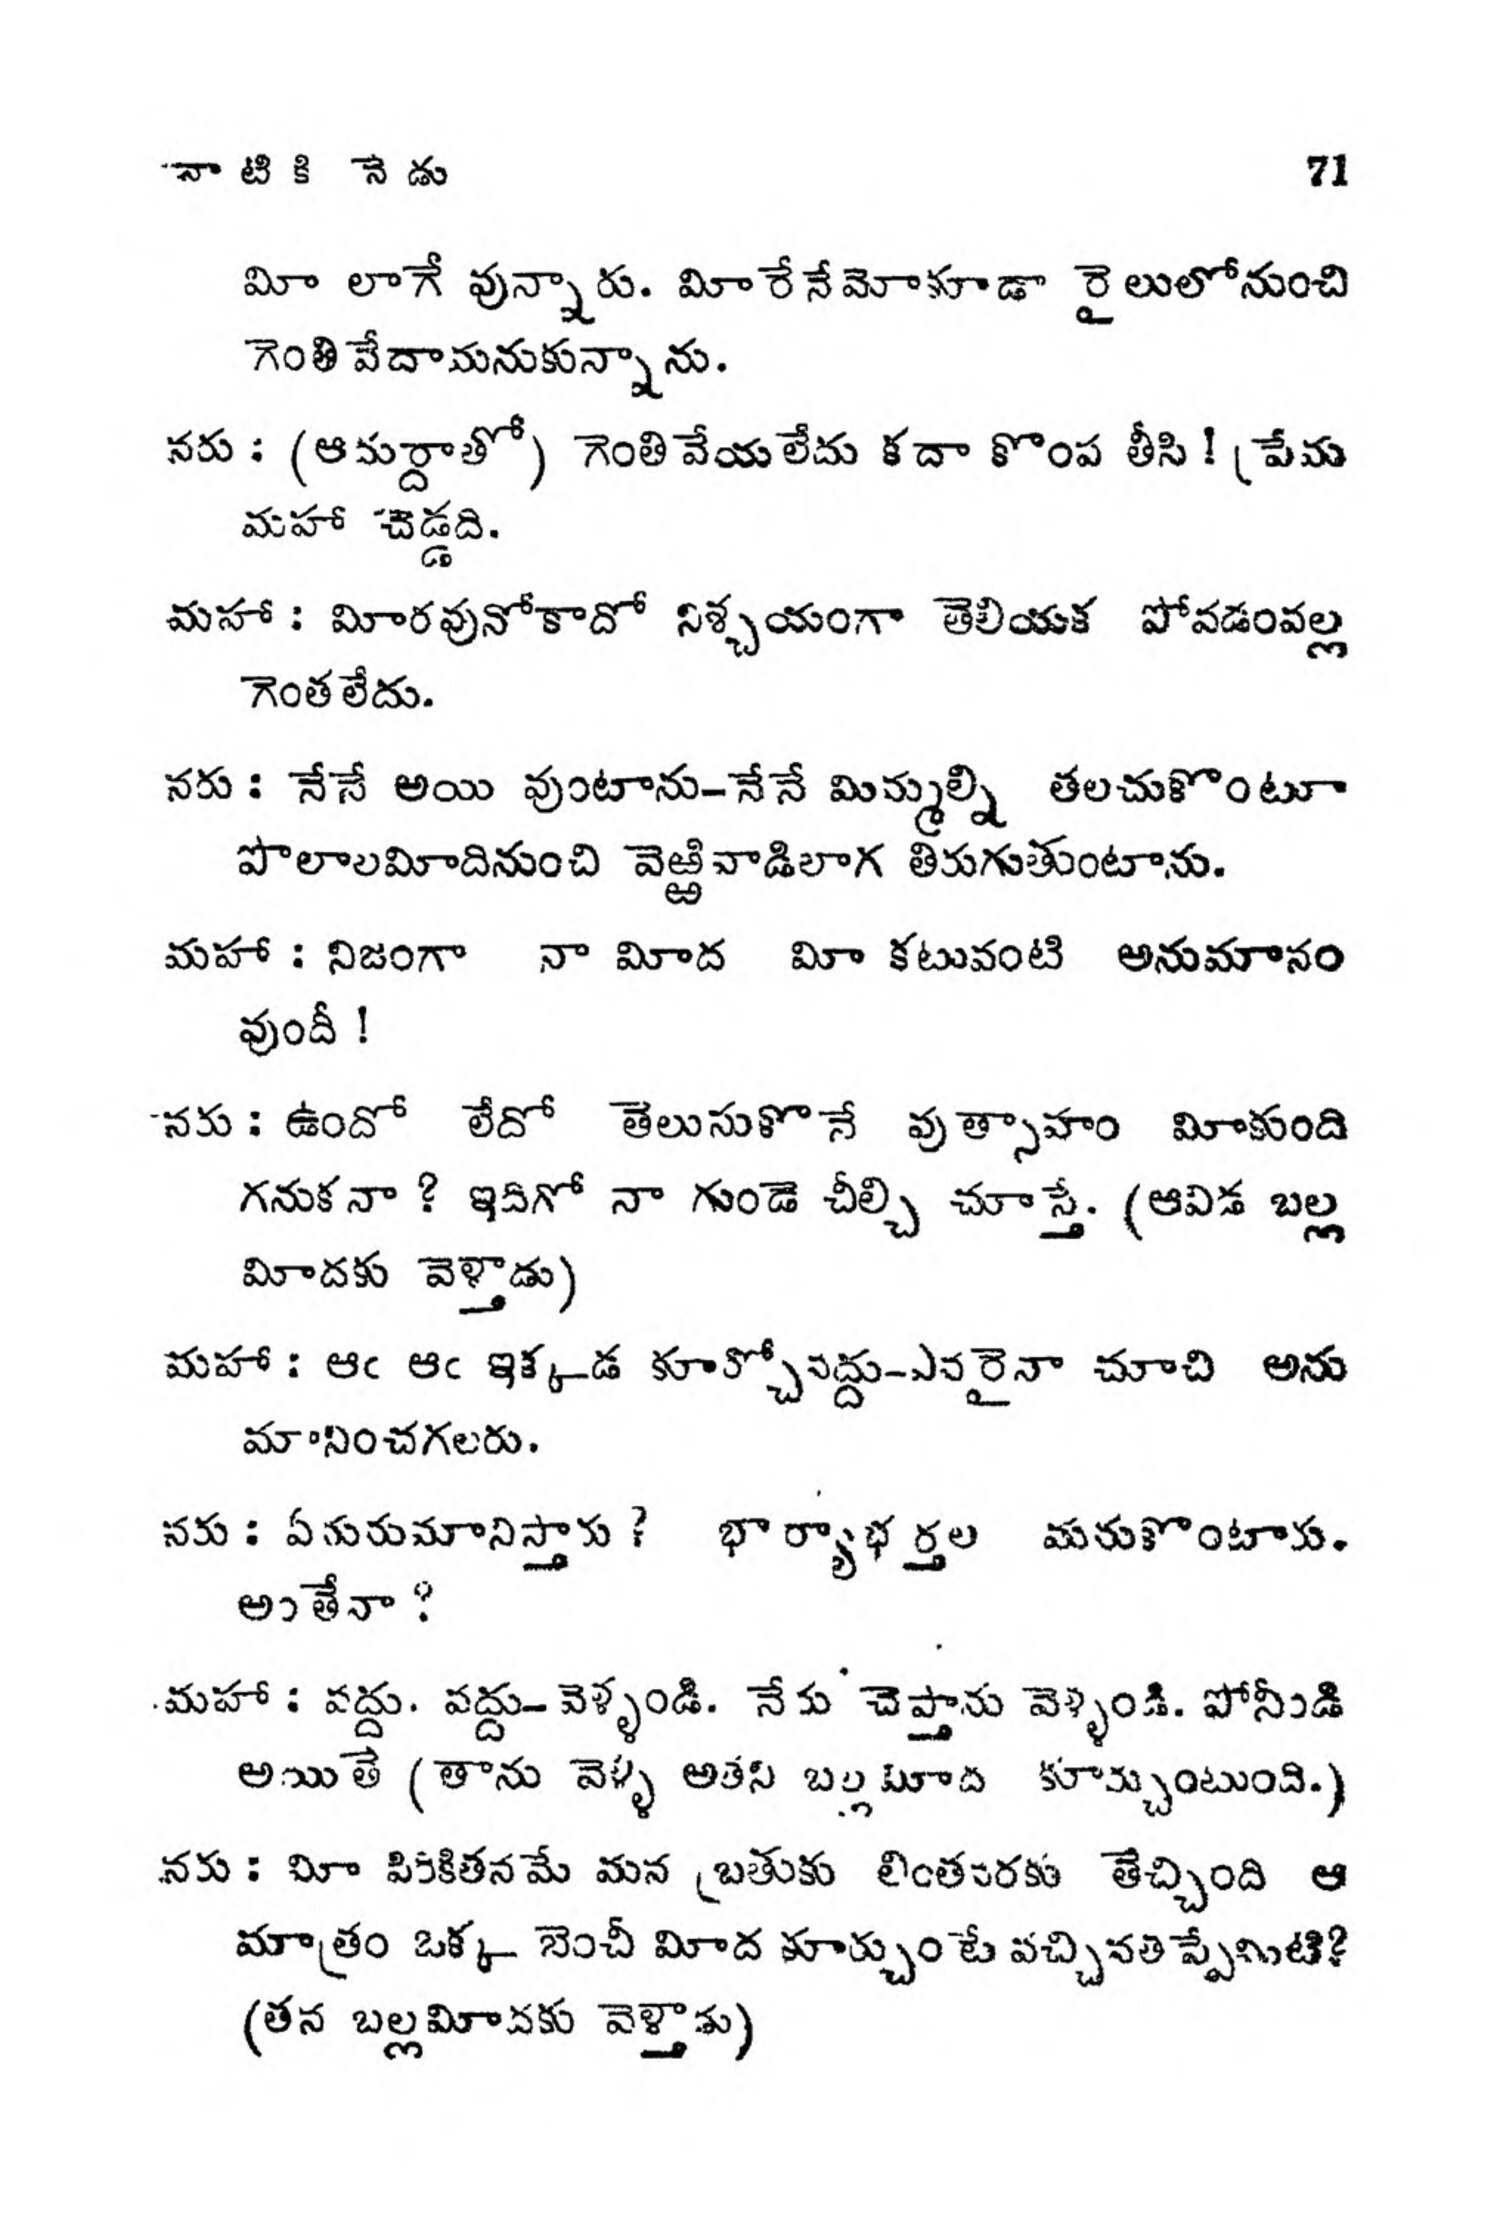మీ లాగే వున్నారు. మీరేనేమోకూడా రైలులోనుంచి గెంతివేదామనుకున్నాను.

నరు : (ఆదుర్దాతో) గెంతివేయలేదు కదా కొంప తీసి ! ప్రేమ మహా చెడ్డది.

మహా : మీరవునోకాదో నిశ్చయంగా తెలియక పోవడంవల్ల గెంతలేదు.

నరు : నేనే అయి వుంటాను- నేనే మిమ్మల్ని తలచుకొంటూ పొలాలమీదినుంచి వెఱ్ఱివాడిలాగ తిరుగుతుంటాను.

మహా : నిజంగా నా మీద విూ కటువంటి అనుమానం వుందీ !

నరు : ఉందో లేదో తెలుసుకొనే వుత్సాహం మీకుంది గనుకనా ? ఇదిగో నా గుండె చీల్చి చూస్తే. (ఆవిడ బల్ల మీదకు వెళ్తాడు)

మహా : ఆఁ ఆఁ ఇక్కడ కూర్చోవద్దు- ఎవరైనా చూచి అనుమానించగలరు.

నరు : ఏమనుమానిస్తారు ? భార్యాభర్తల మరుకొంటారు. అంతేనా ?

మహా : వద్దు. వద్దు – వెళ్ళండి. నేను చెప్తాను వెళ్ళండి. పోనీండి అయితే ( తాను వెళ్ళి అతని బల్ల మీద కూర్చుంటుంది.)

నరు : మీ పిరికితనమే మన బ్రతుకు లింతవరకు తెచ్చింది ఆ మాత్రం ఒక్క బెంచీ మీద కూర్చుంటే వచ్చినతిప్పేమిటి?
(తన బల్లమీదకు వెళ్తాడు)